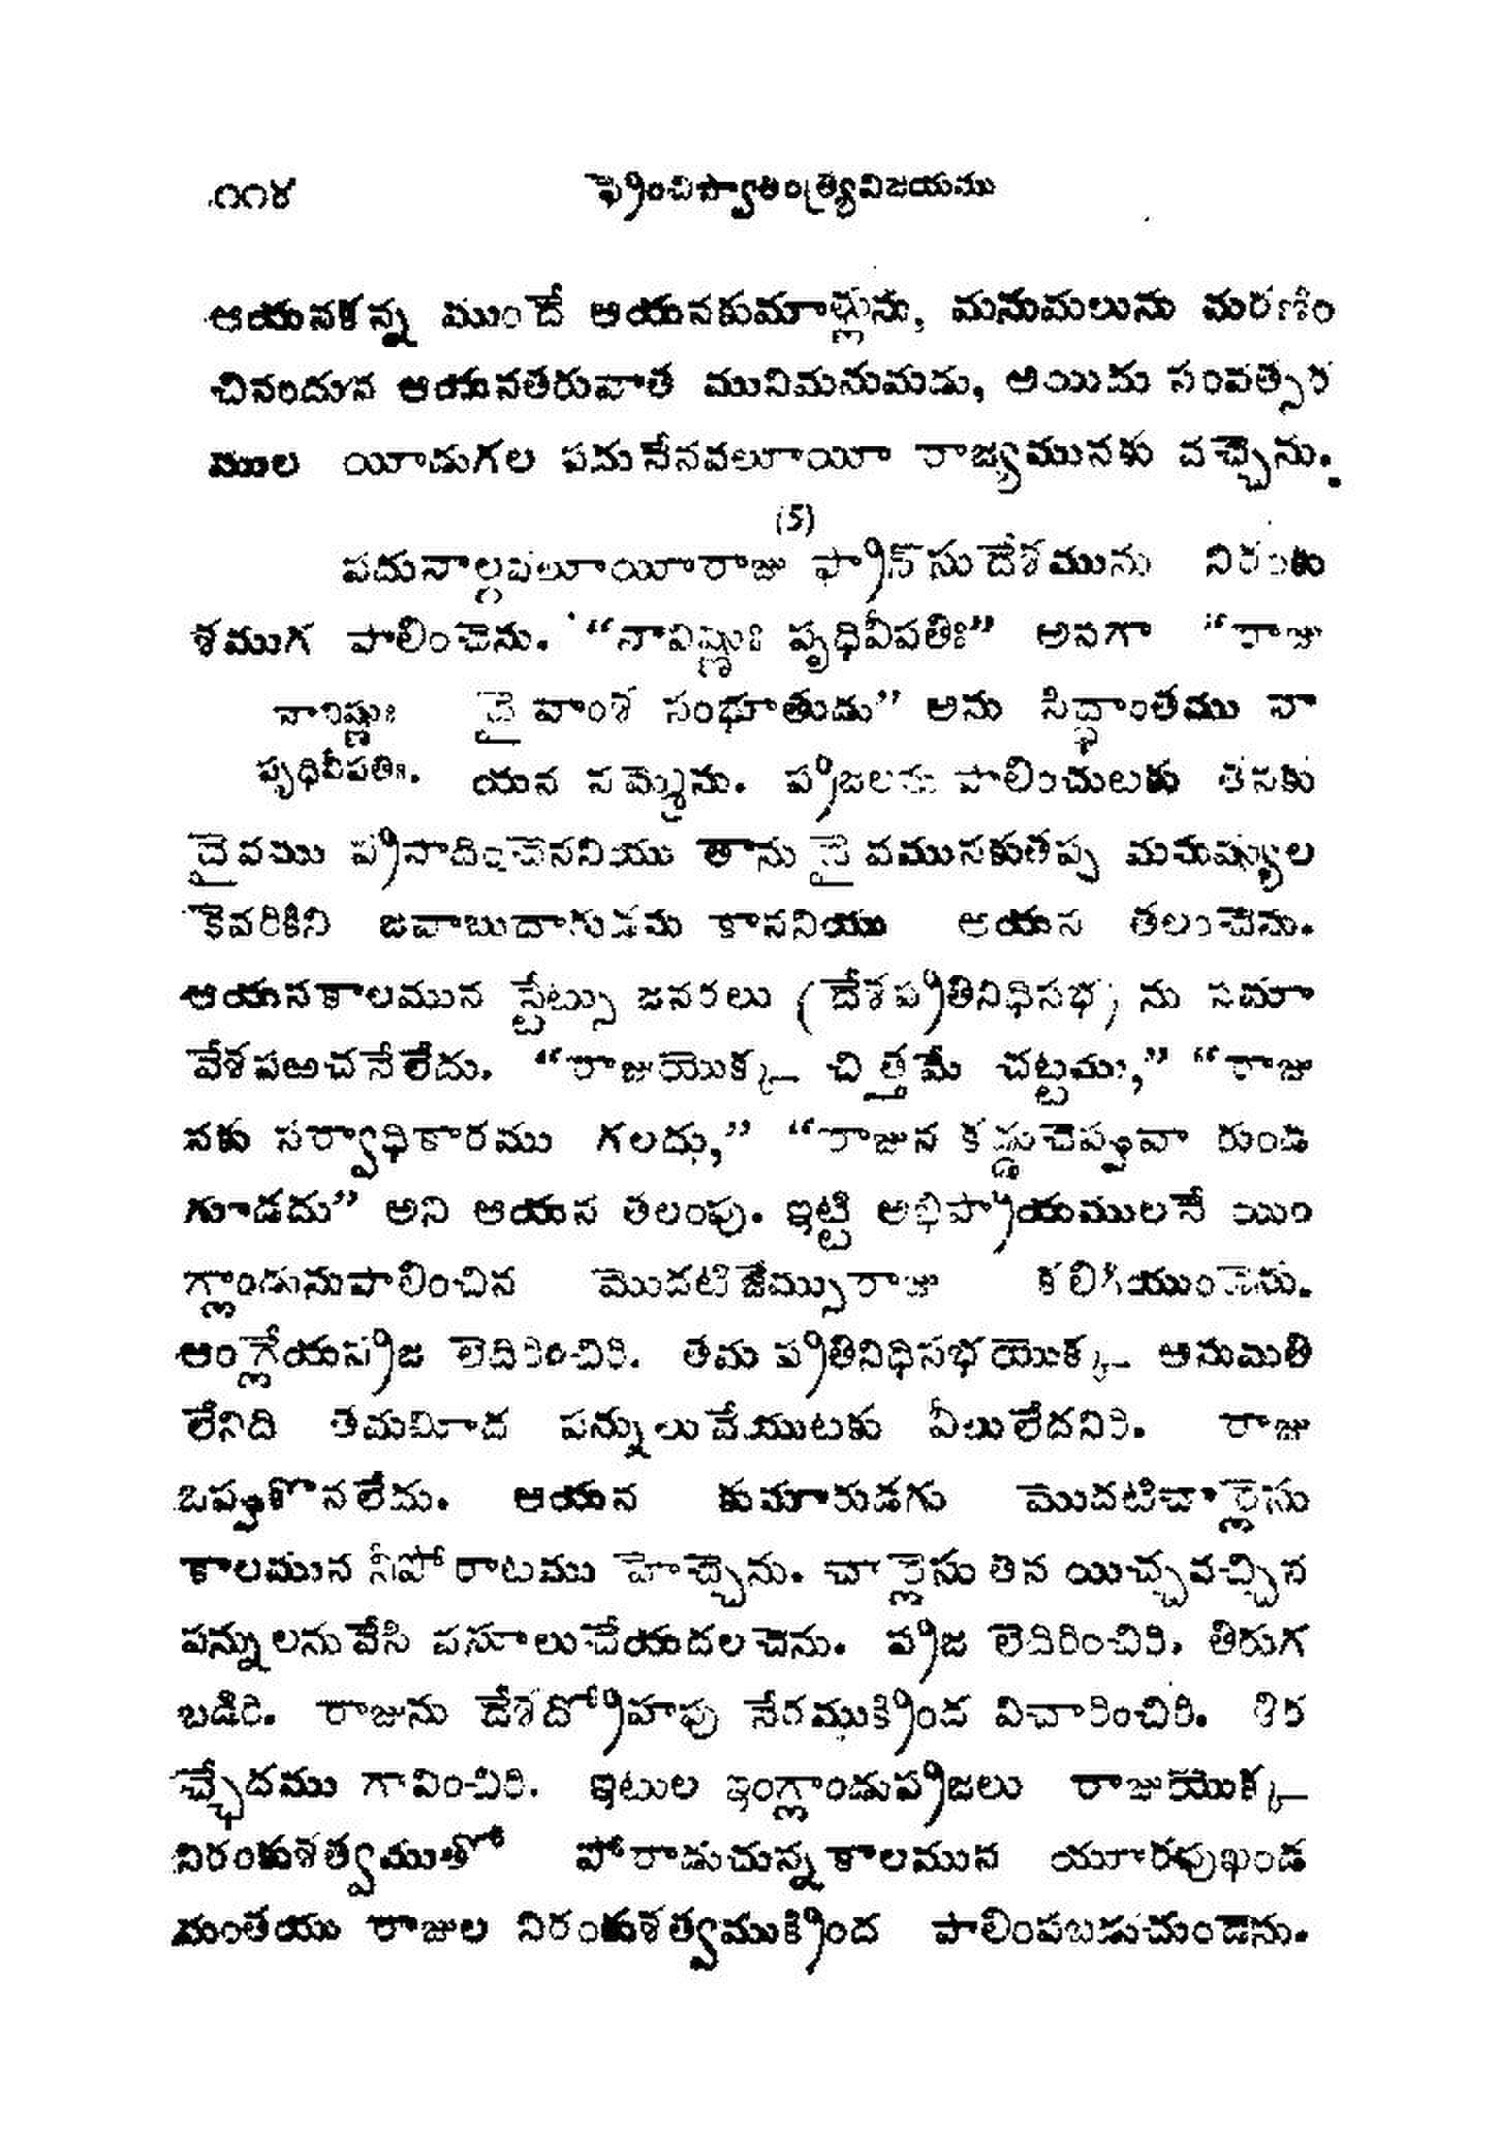ఆయనకన్న ముందే ఆయనకుమాళ్లును, మనుమలును మరణిం
చినందున ఆయన తరువాత మునిమనుమడు, అయిదు సంవత్సముల
యీడుగల పదునేనవ లూయీ రాజ్యమునకు వచ్చెను.

నానిష్ణుః
పృధివీపతిః"
పదునాల్గవ లూయీ రాజు ఫ్రాస్ సు దేశమును నిరంకు
శముగ పాలించెను. “ నావిష్ణుః పృధివీపతిః అనగా రాజు
దైవాంశ సంభూతుడు” అను సిద్ధాంతము నా
యన సమ్మెను. ప్రజలను పాలించుటకు తనకు
దైవము ప్రసాదించెననియు తాను దైవమునకు తప్ప మనుష్యుల
కెవరికిని జవాబుదారూ కాసనియు ఆయన తలంచెను.
ఆయన కాలమున స్టేట్సు జనరలు (దేశ ప్రతినిధిసభ') ను సమూ
వేశ పఱచనే లేదు. రాజు యొక్క చిత్తమే చట్టము," " రాజు
నకు సర్వాధికారము గలదు,” ఈ రాజున కడ్డుచెప్పువా రుండ
గూడదు” అని ఆయన తలంపు. ఇట్టి అభిప్రాయములనే యిం
గ్లాండును పాలించిన మొడటి జేమ్సు రాజు కలిగి యుండెను.
ఆంగ్లేయ ప్రజ లెదిరించిరి. తమ ప్రతినిధి సభ యొక్క. ఆసుమతి
లేనిది తమమీద పన్నులు వేయుటకు వీలు లేదనిరి. రాజు
ఒప్పుకొనలేదు. ఆయన కుమారుడగు మొదటి చార్లెను
కాలమున నీ పోరాటము హెచ్చెను. చార్లెసు తన యిచ్చ వచ్చిన
పన్ను లను వేసి వసూలు చేయ దలచెను. ప్రజ లెదిరించిరి. తిరుగ
బడిరి. రాజును దేశ ద్రోహపు నేరము క్రింద విచారించిరి. శిర
ఛ్ఛేదము గావించిరి. ఇటుల ఇంగ్లాండు ప్రజలు రాజు యొక్క
నిరంకుశత్వముతో పోరాడుచున్న కాలమున యూరపుఖండ
మంతయు రాజుల నిరంకుశత్వము కింద పాలింపబడు చుండెను.